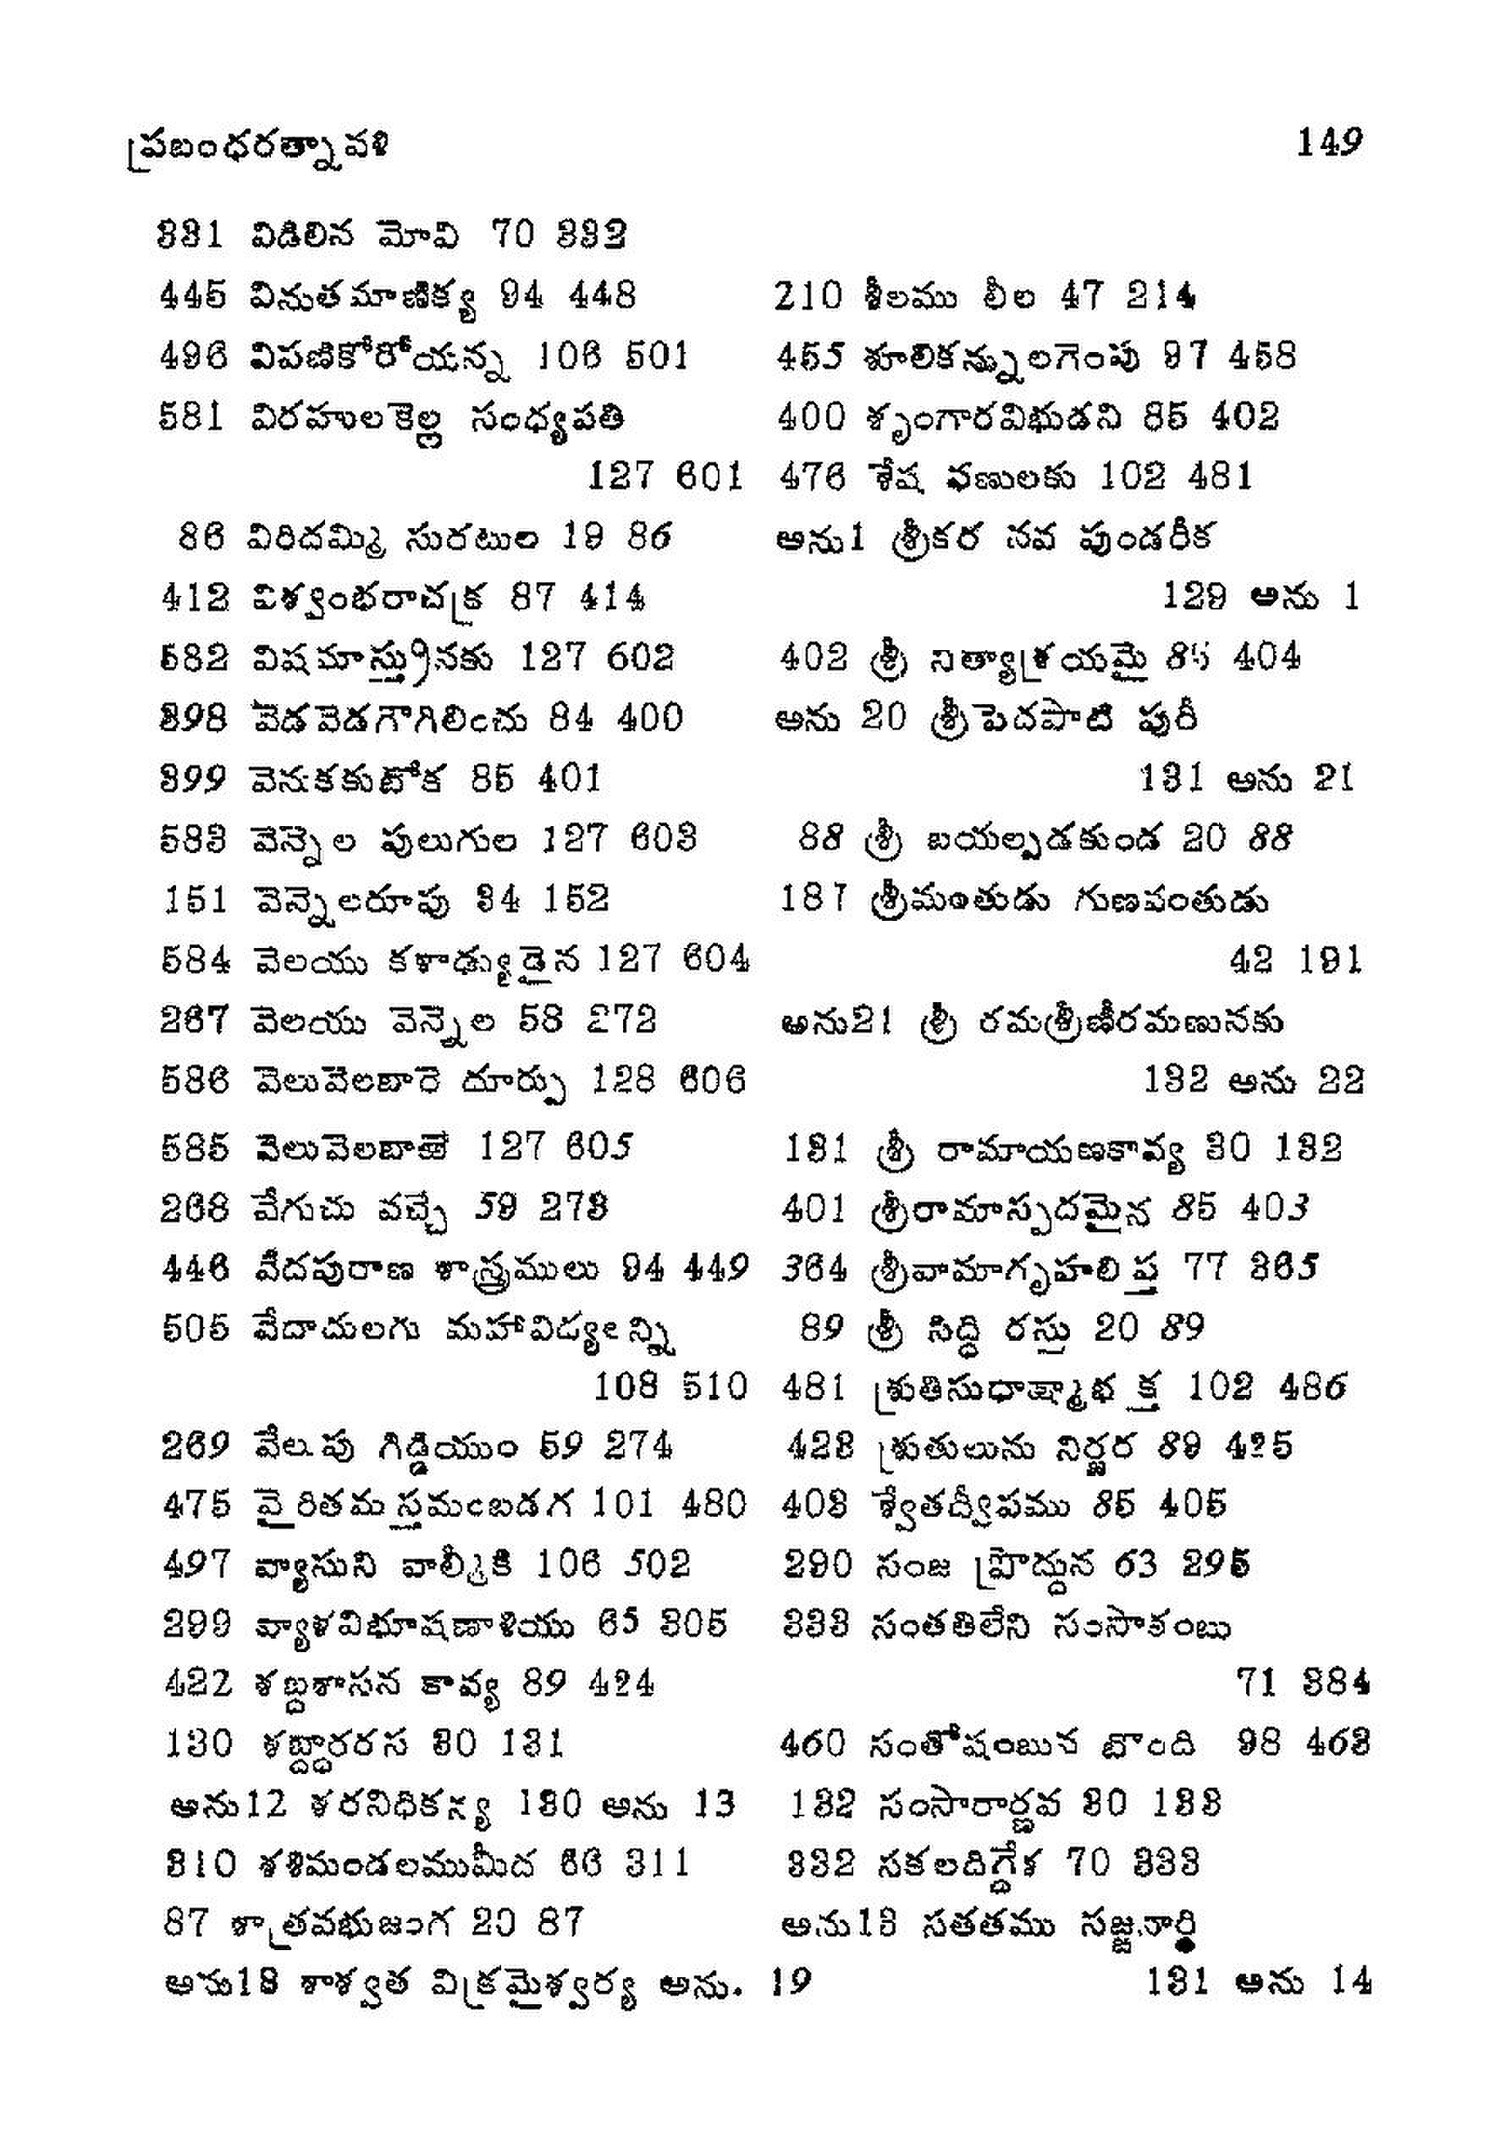3311 విడిలిన మోవి 70892.....
445 వినుత మాణిక్య94 448 ........... 210 శీలము లీల 47 214
498 విపణికోరోయన్న 108 501 ........... 455 శూలికన్ను లగెంపు 87 458
581 విరహుల కెల్ల సంధ్యపతి ....... .... 400 శృంగార విభుడని 85 402
......
86 విరిదమ్మి సురటురి 19 86 ...... .... అను1 శ్రీకర నవ పుండరీక
412 విశ్వంభరాచక్ర 87 414 ....... .. 129 అను 1
582 విషమాస్త్రునకు 127 602 ....... ... 402 శ్రీ నిత్యాశ్రయమై 85 404
398 వెడవెడగౌగిలించు 84 400 ....... ... అను 20 శ్రీ పెదపాటి పురీ
399 వెనుకకుడోక 85401 ....... ... 131 అను 21
583 వెన్నెల పులుగుల 127 608 .......... 88 శ్రీ బయల్పడకుండ 2088
151 వెన్నెలరూపు 34 152 ........... 187 శ్రీమంతుడు గుణవంతుడు
584 వేలయు కళాఢ్యుడైన 127 604 ........... 42 191
267 వెలయు వెన్నెల 58 272 ........... అను21 శ్రీ రమశ్రీణీరమణునకు
588 వెలువెలదారె దూర్పు 128 606 .......... 132 అను 22
585 వెలువెలబాఱె 127 805 .......... 131 శ్రీ రామాయణకావ్య 30 182
268 వేగుచు వచ్చే 59 273 ....... .. . 401 శ్రీరామాస్పదమైన 85 403
446 వేదపురాణ శాస్త్రములు 84 449 ....... ... 364 శ్రీవామాగృహలిప్త 77 883
505 వేదాదులగు మహావిద్యలన్ని108 510.......... 89 శ్రీ సిద్ధి రస్తు 20 89
 ....... ... 481 శ్రుతిసుధాక్ష్మాభక్త 102 486
269 వేల పు గిడ్డియుం 69 274 .......... 428 శ్రుతులును నిర్జర 88 425
475 వైరితమస్తమంబడగ 101 480 ....... ... 403 శ్వేతద్వీపము 86 405
497 వ్యాసుని వాల్మీకి 108 502 290 సంజ ప్రొద్దున 63 296
299 వ్యాళవిభూషణాళియు 65 .......... 305 అలి సంతతిలేని సంసారంబు
422 శబ్దశాసన కావ్య 89 424 .......... 71 884
130 శబ్దారరస 30 131 ......... 460 సంతోషంబున బొంది 98 468
అను 12 శరనిధికస్య 180 అను 13 ......... 132 సంసారార్ణవ 30 133
310 శశిమండలముమీద 66 311 ......... 332 సకలదిగ్గేశ 70 333
87 శాత్రవభుజంగ 20 87 ...... ... అను13 సతతము సజ్జనార్ది
అను18 శాశ్వత విక్రమైశ్వర్య అను. ......... 19 131 అను 14